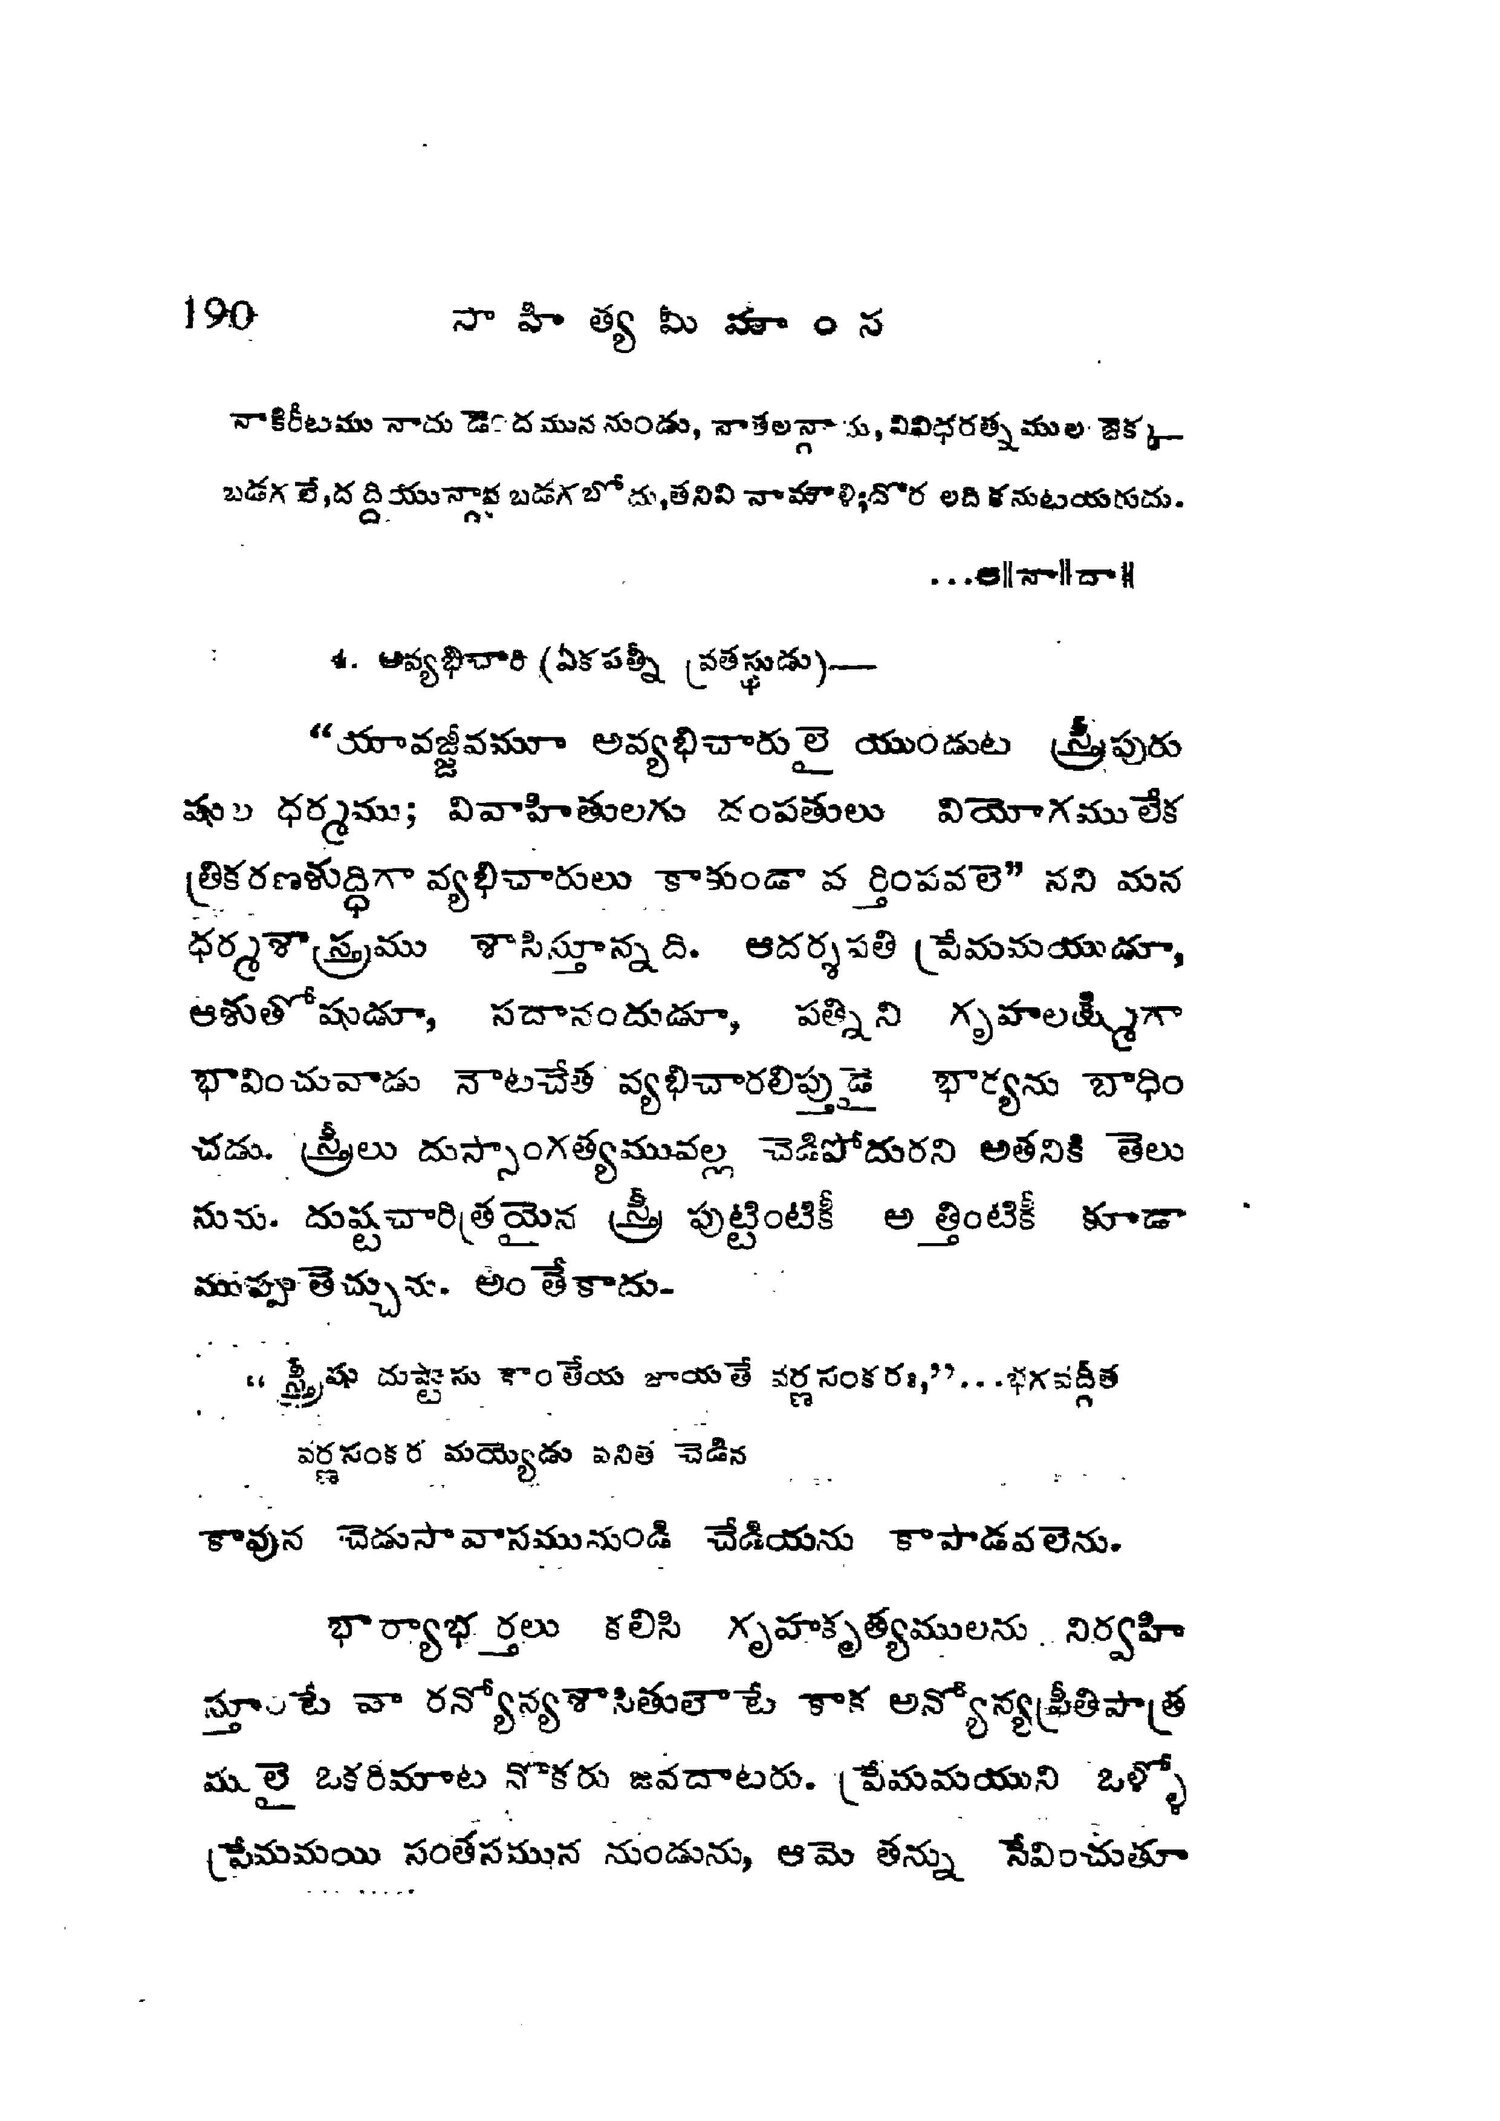నాకిరీటము నాదు డెందమున నుండు, నాతలన్గాదు, వివిధరత్నముల జెక్క
 బడగలే, దద్దియున్గావ బడగబోదు, తనివి నామౌళి;దొర లదికనుటయరుదు.
 ... ఆ|| నా|| దా||

"యావజ్జీవమూ అవ్యభిచారులై యుండుట స్త్రీపురుషుల ధర్మము; వివాహితులగు దంపతులు వియోగములేక త్రికరణశుద్ధిగా వ్యభిచారులు కాకుండా వర్తింపవలె" నని మన ధర్మశాస్త్రము శాసిస్తూన్నది. ఆదర్శపతి ప్రేమమయుడూ, ఆశుతోషుడూ, సదానందుడూ, పత్నిని గృహలక్ష్మిగా భావించువాడు నౌటచేత వ్యభిచారలిప్తుడై భార్యను బాధించడు. స్త్రీలు దుస్సాంగత్యమువల్ల చెడిపోదురని అతనికి తెలుసును. దుష్టచారిత్రయైన స్త్రీ పుట్టింటికీ అత్తింటికీ కూడా ముప్పుతెచ్చును. అంతేకాదు.

 "స్త్రీషు దుష్టాసు కాంతేయ జాయతే వర్ణసంకర:,"...భగవద్గీత
 వర్ణసంకర మయ్యెడు వనిత చెడిన

కావున చెడుసావాసమునుండి చేడియను కాపాడవలెను.

భార్యాభర్తలు కలిసి గృహకృత్యములను నిర్వహిస్తూంటే వా రన్యోన్యశాసితులౌటే కాక అన్యోన్యప్రీతిపాత్రములై ఒకరిమాట నొకరు జవదాటరు. ప్రేమమయుని ఒళ్ళో ప్రేమమయి సంతసమున నుండును, ఆమె తన్ను సేవించుతూ